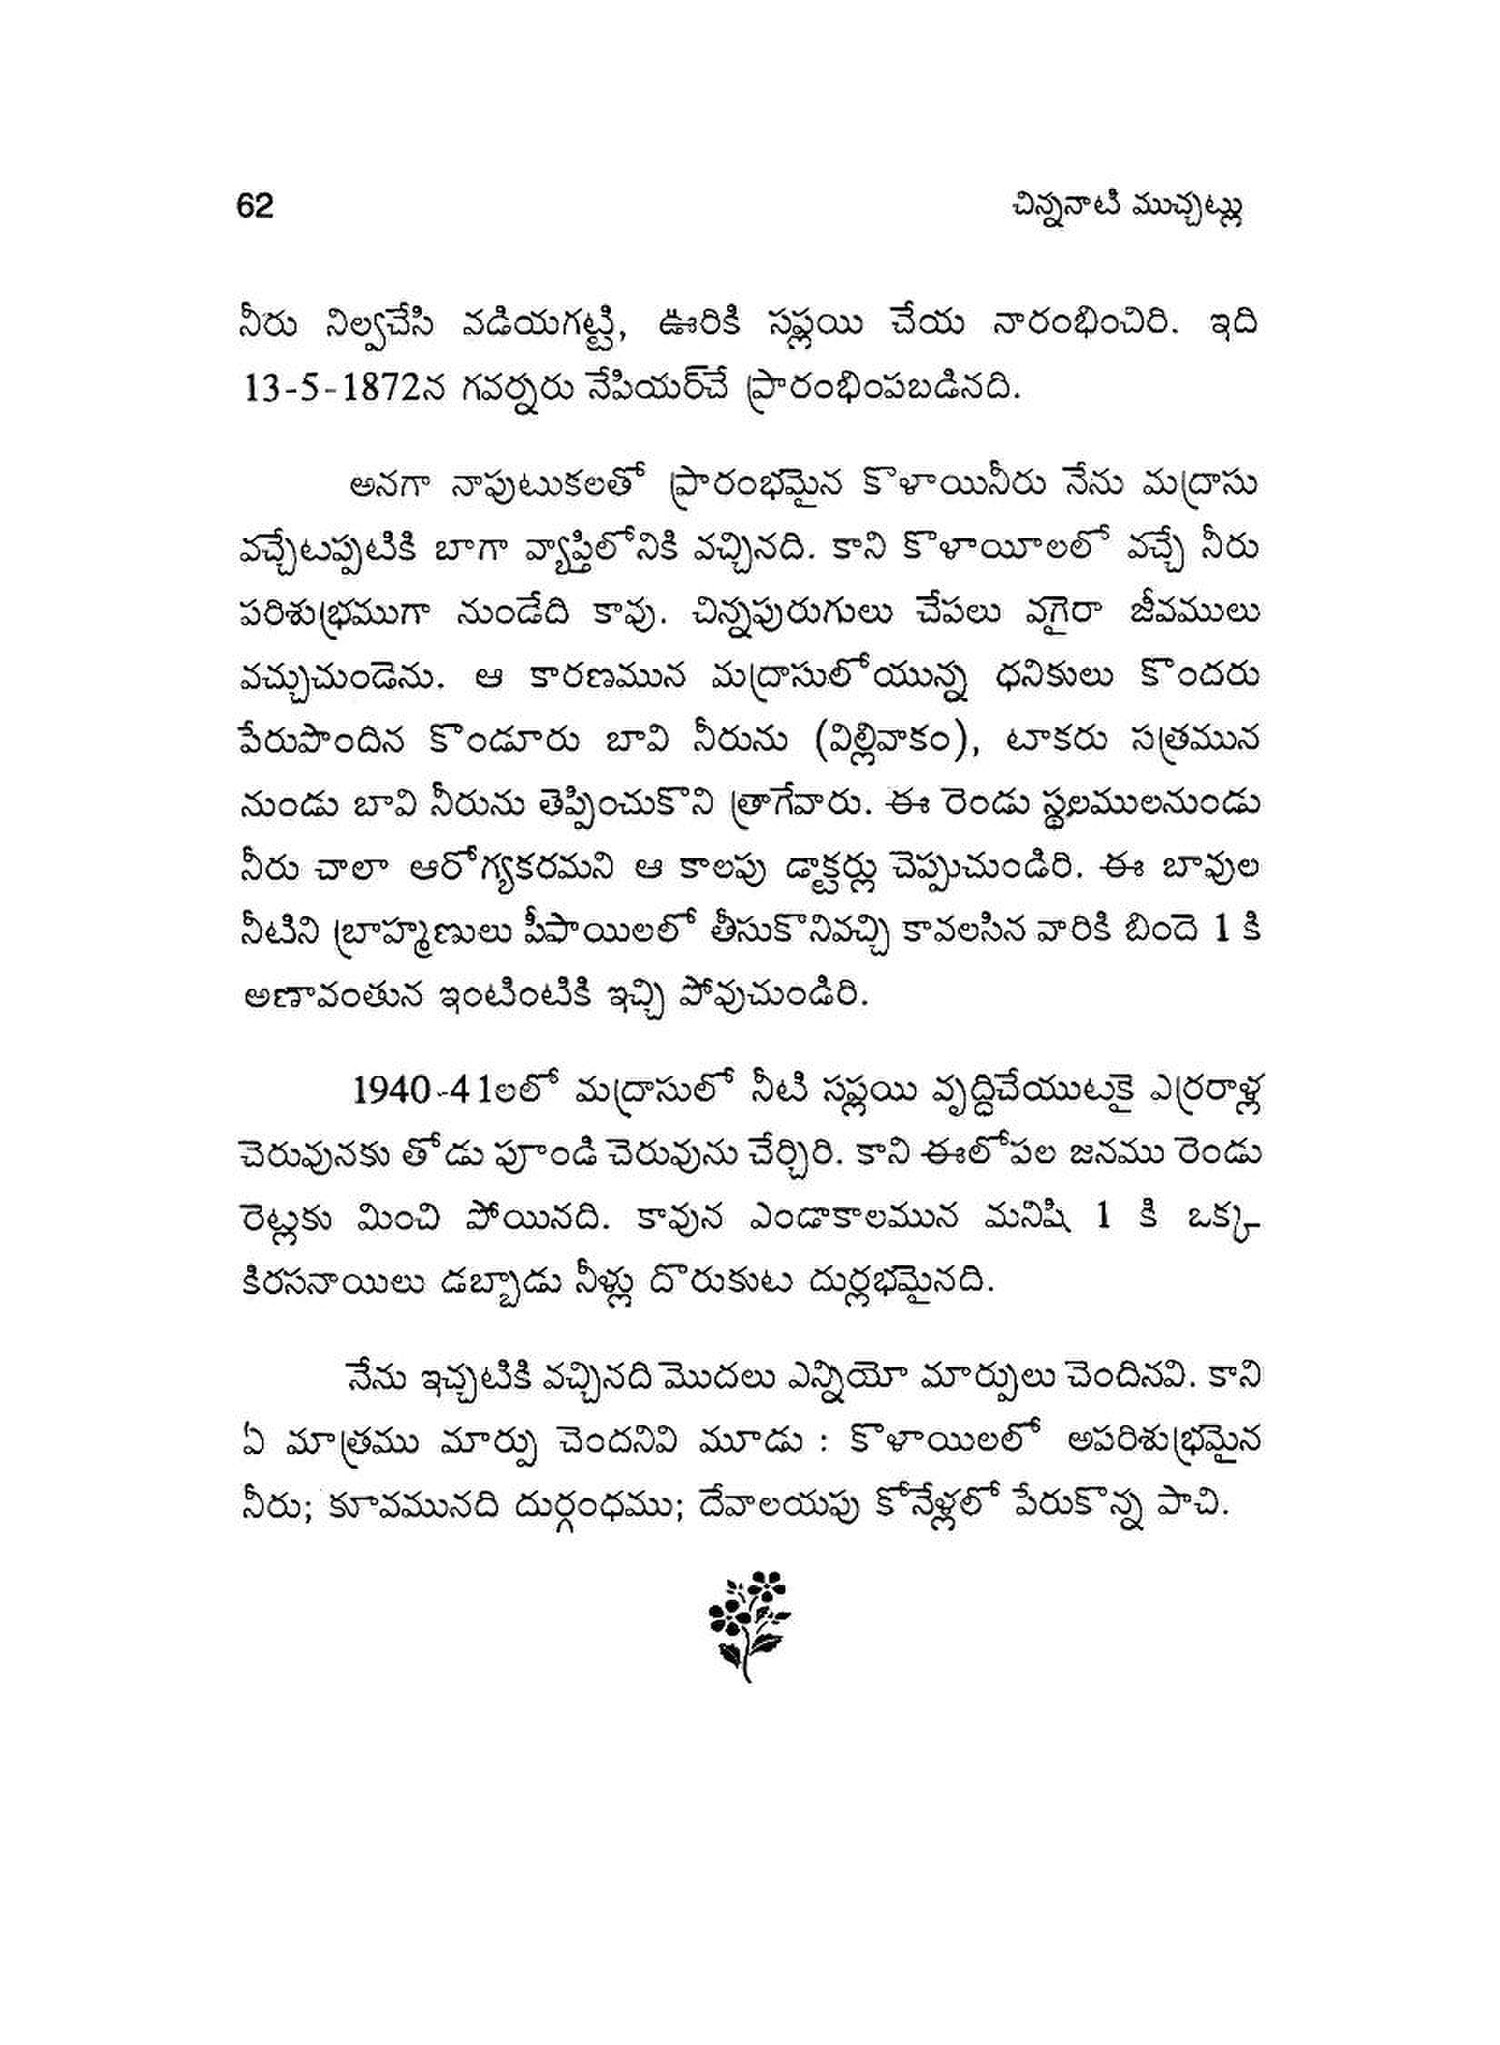నీరు నిల్వచేసి వడియగట్టి, ఊరికి సప్లయి చేయ నారంభించిరి. ఇది 13-5-1872న గవర్నరు నేపియర్చే ప్రారంభింపబడినది.

అనగా నాపుటుకలతో ప్రారంభమైన కొళాయినీరు నేను మద్రాసు వచ్చేటప్పటికి బాగా వ్యాప్తిలోనికి వచ్చినది. కాని కొళాయీలలో వచ్చే నీరు పరిశుభ్రముగా నుండేది కావు. చిన్నపురుగులు చేపలు వగైరా జీవములు వచ్చుచుండెను. ఆ కారణమున మద్రాసులోయున్న ధనికులు కొందరు పేరుపొందిన కొండూరు బావి నీరును (విల్లివాకం), టాకరు సత్రమున నుండు బావి నీరును తెప్పించుకొని త్రాగేవారు. ఈ రెండు స్థలములనుండు నీరు చాలా ఆరోగ్యకరమని ఆ కాలపు డాక్టర్లు చెప్పుచుండిరి. ఈ బావుల నీటిని బ్రాహ్మణులు పీపాయిలలో తీసుకొనివచ్చి కావలసిన వారికి బిందె 1కి అణావంతున ఇంటింటికి ఇచ్చి పోవుచుండిరి.

1940-41లలో మద్రాసులో నీటి సప్లయి వృద్ధిచేయుటకై ఎర్రరాళ్ల చెరువునకు తోడు పూండి చెరువును చేర్చిరి. కాని ఈలోపల జనము రెండు రెట్లకు మించి పోయినది. కావున ఎండాకాలమున మనిషి 1 కి ఒక్కకిరసనాయిలు డబ్పాడు నీళ్లు దొరుకుట దుర్లభమైనది.

నేను ఇచ్చటికి వచ్చినది మొదలు ఎన్నియో మార్పులు చెందినవి. కాని ఏ మాత్రము మార్పు చెందనివి మూడు : కొళాయిలలో అపరిశుభ్రమైన నీరు; కూవమునది దుర్గంధము; దేవాలయపు కోనేళ్లలో పేరుకొన్న పాచి.